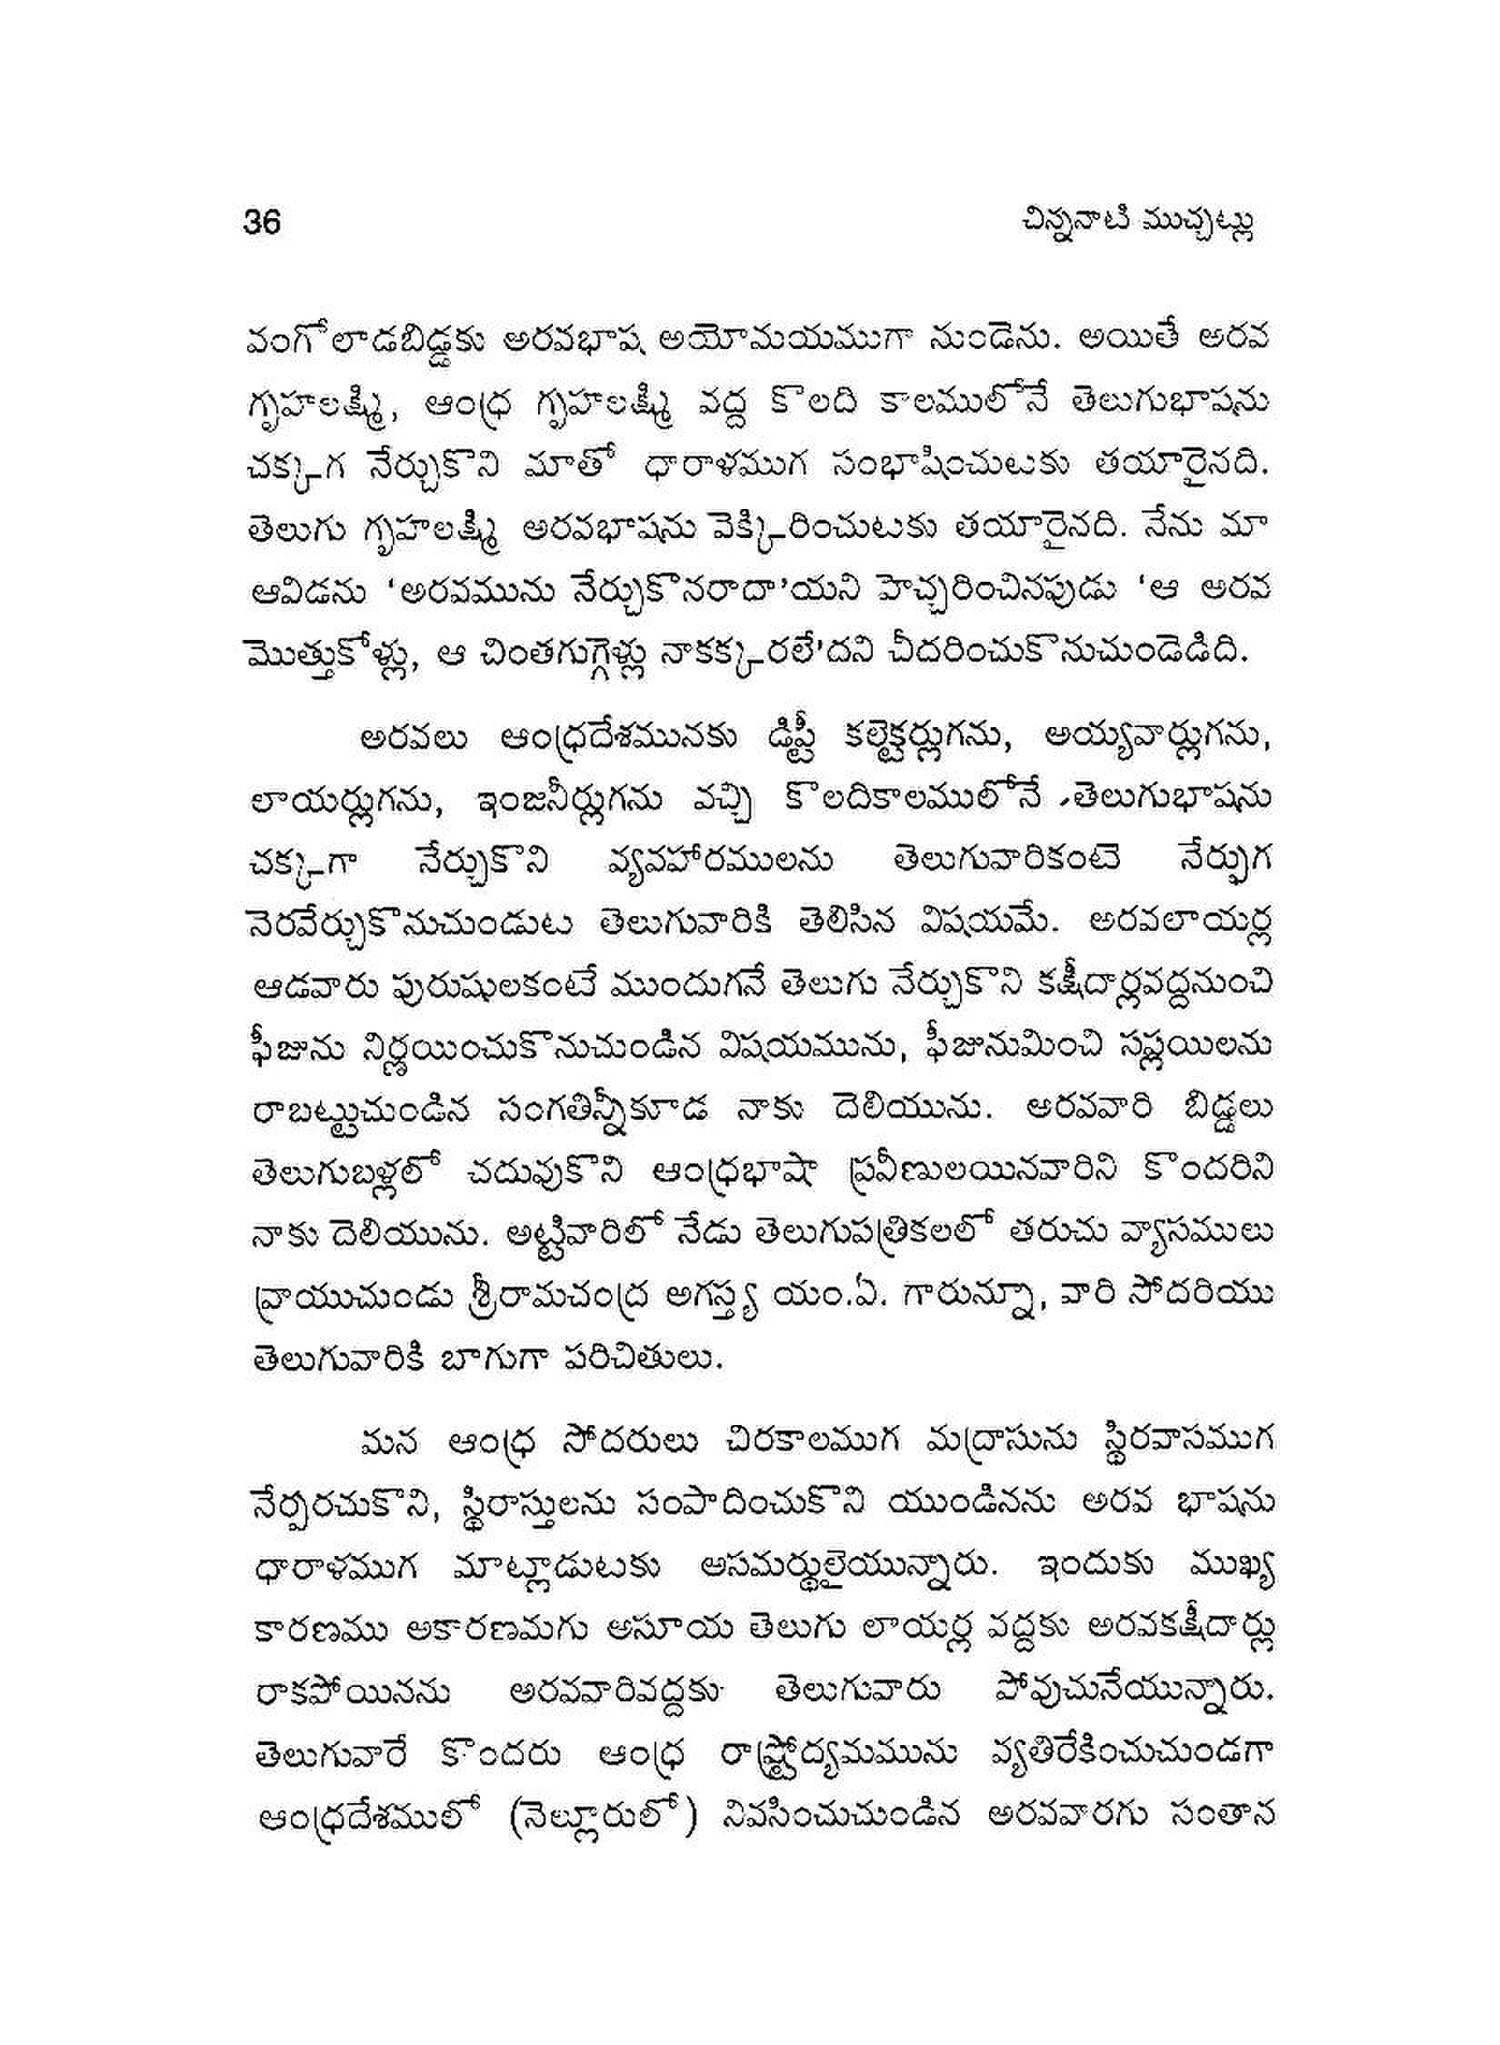వంగోలాడబిడ్డకు అరవభాష అయోమయముగా నుండెను. అయితే అరవ గృహలక్ష్మి, ఆంధ్ర గృహలక్ష్మి వద్ద కొలది కాలములోనే తెలుగుభాషను చక్కగ నేర్చుకొని మాతో ధారాళముగ సంభాషించుటకు తయారైనది. తెలుగు గృహలక్ష్మి ఆరవభాషను వెక్కిరించుటకు తయారైనది. నేను మా ఆవిడను 'అరవమును నేర్చుకొనరాదా'యని హెచ్చరించినపుడు 'ఆ అరవమొత్తుకోళ్లు, ఆ చింతగుగ్గిళ్లు నాకక్కరలే'దని చీదరించుకొనుచుండెడిది.

అరవలు ఆంధ్రదేశమునకు డిప్టీ కలెక్టర్లుగను, అయ్యవార్లుగను, లాయర్లుగను, ఇంజనీర్లుగను వచ్చి కొలదికాలములోనే తెలుగుభాషను చక్కగా నేర్చుకొని వ్యవహారములను తెలుగువారికంటె నేర్పుగ నెరవేర్చుకొనుచుండుట తెలుగువారికి తెలిసిన విషయమే. అరవలాయర్ల ఆడవారు పురుషులకంటే ముందుగనే తెలుగు నేర్చుకొని కక్షీదార్లవద్దనుంచి ఫీజును నిర్ణయించుకొనుచుండిన విషయమును, ఫీజునుమించి సప్లయిలను రాబట్టుచుండిన సంగతిన్నీ కూడ నాకు దెలియును. అరవవారి బిడ్డలు తెలుగుబళ్లలో చదువుకొని ఆంధ్రభాషా ప్రవీణులయినవారిని కొందరిని నాకు దెలియును. అట్టివారిలో నేడు తెలుగుపత్రికలలో తరుచు వ్యాసములు వ్రాయుచుండు శ్రీరామచంద్ర అగస్త్య యం.ఏ. గారున్నూ, వారి సోదరియు తెలుగువారికి బాగుగా పరిచితులు.

మన ఆంధ్ర సోదరులు చిరకాలముగ మద్రాసును స్థిరవాసముగ నేర్పరచుకొని, స్థిరాస్తులను సంపాదించుకొని యుండినను అరవ భాషను ధారాళముగ మాట్లాడుటకు అసమర్థులైయున్నారు. ఇందుకు ముఖ్య కారణము అకారణమగు అసూయ. తెలుగు లాయర్ల వద్దకు అరవకక్షీదార్లు రాకపోయినను అరవవారివద్దకు తెలుగువారు పోవుచునేయున్నారు. తెలుగువారే కొందరు ఆంధ్ర రాష్ట్రోద్యమమును వ్యతిరేకించుచుండగా ఆంధ్రదేశములో (నెల్లూరులో) నివసించుచుండిన అరవవారగు సంతాన